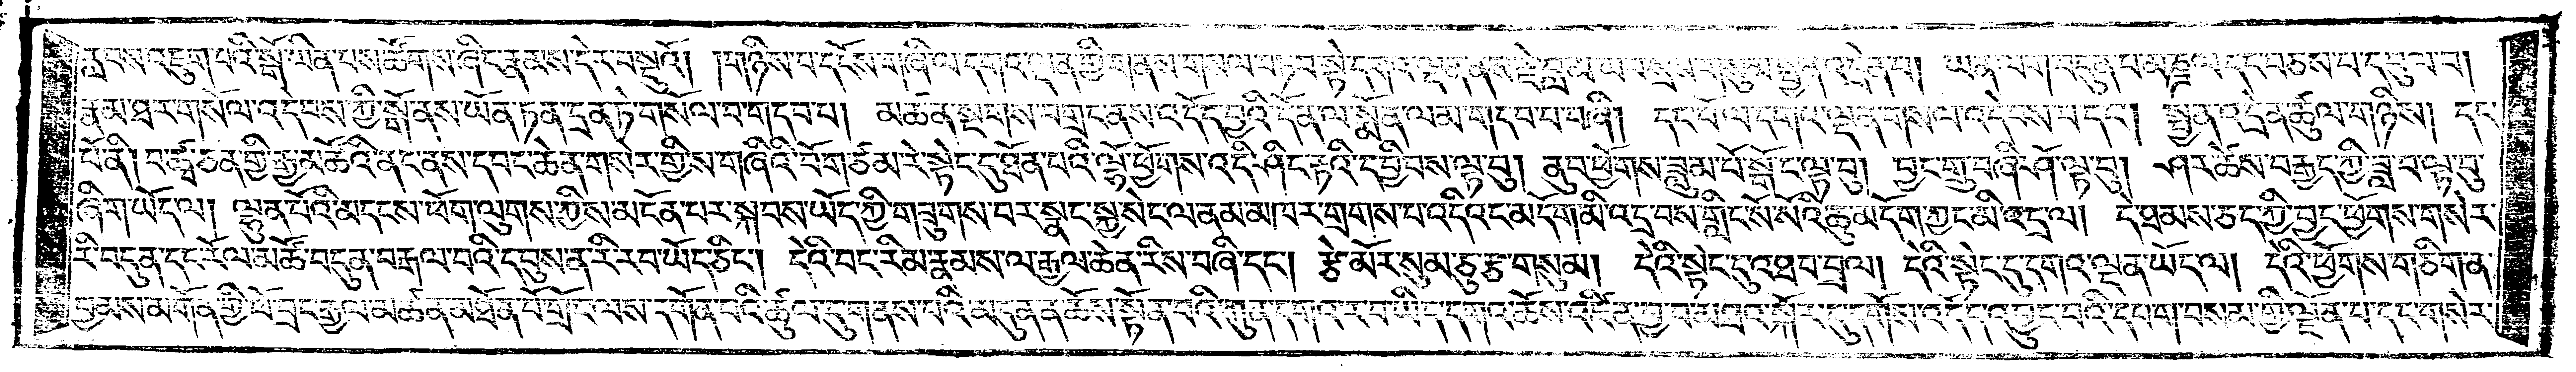རླབས་འཇུག་པའི་སྒོ་ཡིན་པས་ཚོགས་ཞིང་རྣམས་དེར་བསྡུའོ། །གཉིས་པ་དངོས་གཞི་ལ་དགའ་ལྡན་གྱི་གནས་གསལ་བཏབ་སྟེ་དགའ་ལྡན་ནས་རྗེ་བླ་མ་ཡབ་སྲས་གསུམ་སྤྱན་འདྲེན་པ། ཡན་ལག་བདུན་པ་མཎྜལ་དང་བཅས་པ་དབུལ་བ།
རྣམ་ཐར་གསོལ་འདེབས་ཀྱི་སྒོ་ནས་ཡོན་ཏན་དྲན་ཏེ་གསོལ་བ་གདབ་པ། །མཚན་སྔགས་བགྲང་ནས་འདོད་བྱའི་དོན་ལ་སྨོན་ལམ་གདབ་པ་བཞི། དང་པོ་ལ་དགའ་ལྡན་གསལ་འདེབས་པ་དང་། སྤྱན་འདྲེན་ཚུལ་གཉིས་དང་
པོ་ནི། བ་ཚྭ་ཅན་གྱི་རྒྱ་མཚོའི་ནང་ནས་དབང་ཆེན་གསེར་གྱི་ས་གཞི་བོག་ཙམ་རེ་སྟེང་དུ་ཐོན་པའི་ལྷོ་ཕྱོགས་འདི་ཤིང་རྟའི་དབྱིབས་ལྟ་བུ། །ནུབ་ཕྱོགས་ཟླུམ་པོ་སྒོང་ལྟ་བུ། བྱང་གྲུ་བཞི་ཤོ་ལྟ་བུ། །ཤར་ཚེས་བརྒྱད་ཀྱི་ཟླ་བ་ལྟ་བུ་
ཞིག་ཡོད་ལ། ལྷུན་པོའི་མདངས་ཕོག་ལུགས་ཀྱིས་མངོན་པར་སྐབས་ཡོད་ཀྱི་གཟུགས་པར་སྣང་སྐྱ་སེང་ལ་ནམ་མཁར་གྲགས་པ་འདིའང་མདོག་མི་འདྲ་བས་གླིང་སོ་སོའི་ཆུ་མདོག་ཀྱང་མི་འདྲ་ལ། དེ་ཐམས་ཅད་ཀྱི་བྱང་ཕྱོགས་གསེར་
རི་བདུན་དང་རོལ་མཚོ་བདུན་བརྒྱལ་བའི་དབུས་ན་རི་རབ་ཡོད་ཅིང་། དེའི་བང་རིམ་རྣམས་ལ་རྒྱལ་ཆེན་རིས་བཞི་དང་། རྩེ་མོར་སུམ་ཅུ་རྩ་གསུམ། དེའི་སྟེང་དུ་འཐབ་བྲལ། དེའི་སྟེང་དུ་དགའ་ལྡན་ཡོད་ལ། དེའི་ཕྱོགས་གཅིག་ན་
བྱམས་མགོན་གྱི་ཕོ་བྲང་རྒྱལ་མཚན་མཐོན་པོ་གྲོང་ལས་དགོན་པའི་ཚུལ་དུ་གནས་པའི་མདུན་ན་ཆོས་སྟོན་པའི་ཀུན་དགའ་ར་བ་ཡིད་དགའ་ཆོས་འཛིན་བྱ་བ་མཐའ་སྐོར་དུ་དགོས་འདོད་འབྱུང་བའི་དཔག་བསམ་གྱི་ལྗོན་པ་དང་གསེར་